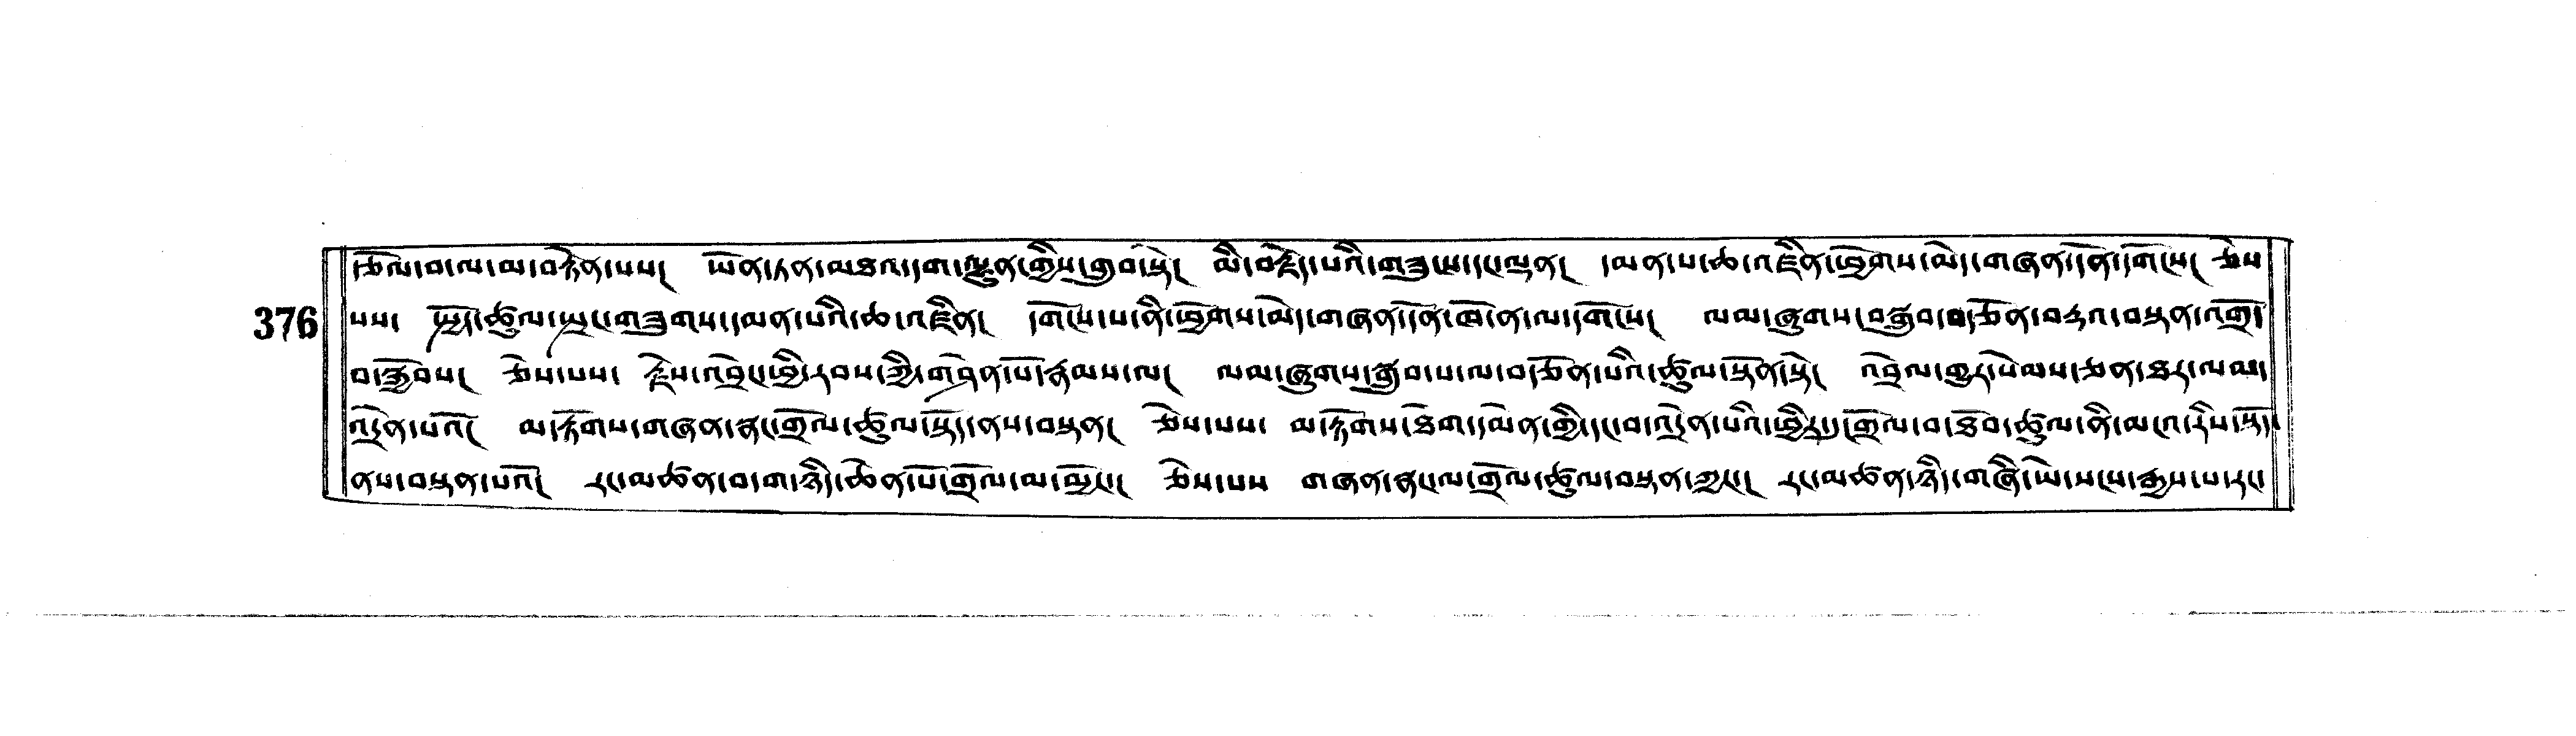རྩོལ་བ་ལ་མ་བརྟེན་པས། ཡོན་ཏན་མཐའ་དག་ལྷུན་གྱིས་གྲུབ་སྟེ། མི་བརྗེད་པའི་གཟུངས་དང་ལྡན། དམན་པ་ཆ་འཛིན་ཕྱོགས་མེད་གཞན་དོན་དགོངས། ཅེས་
པས། སྤྱོད་ཚུལ་སྤྲང་གཟུགས་དམན་པའི་ཆ་འཛིན། དགོངས་པ་ནི་ཕྱོགས་མེད་གཞན་དོན་ཁོ་ན་ལ་དགོངས། ལམ་ཞུགས་བསྒྲུབ་བརྩོན་བརྡ་བསྟན་འགྲོ་
བ་སྐྱོབས། ཅེས་པས། རྗེས་འབྲེང་ཕྱི་རབས་ཀྱི་གཤེན་པོ་རྣམས་ལ། ལམ་ཞུགས་བསྒྲུབ་པ་ལ་བརྩོན་པའི་ཚུལ་སྟོན་ཏེ། འབྲེལ་གྱུར་སེམས་ཅན་ཐར་ལམ་
འདྲེན་པའོ། མ་རྟོགས་གཞན་སྣང་གྲོལ་ཚུལ་སྟོད་ནས་བསྟན། ཅེས་པས། མ་རྟོགས་ཐེག་དམན་གྱི་དང་བ་འདྲེན་པའི་ཕྱིར་དུ་གྲོལ་བ་ཐོབ་ཚུལ་ནི་མངའ་རིས་སྟོད་
ནས་བསྟན་པའོ། རང་མཚན་བདག་ཉིད་ཆེན་པོ་གྲོལ་མ་མྱོང་། ཅེས་པས། གཞན་སྣང་ལ་གྲོལ་ཚུལ་བསྟན་ཀྱང་། རང་མཚན་ཉིད་གཞི་ཡེ་སངས་རྒྱས་པ་རང་